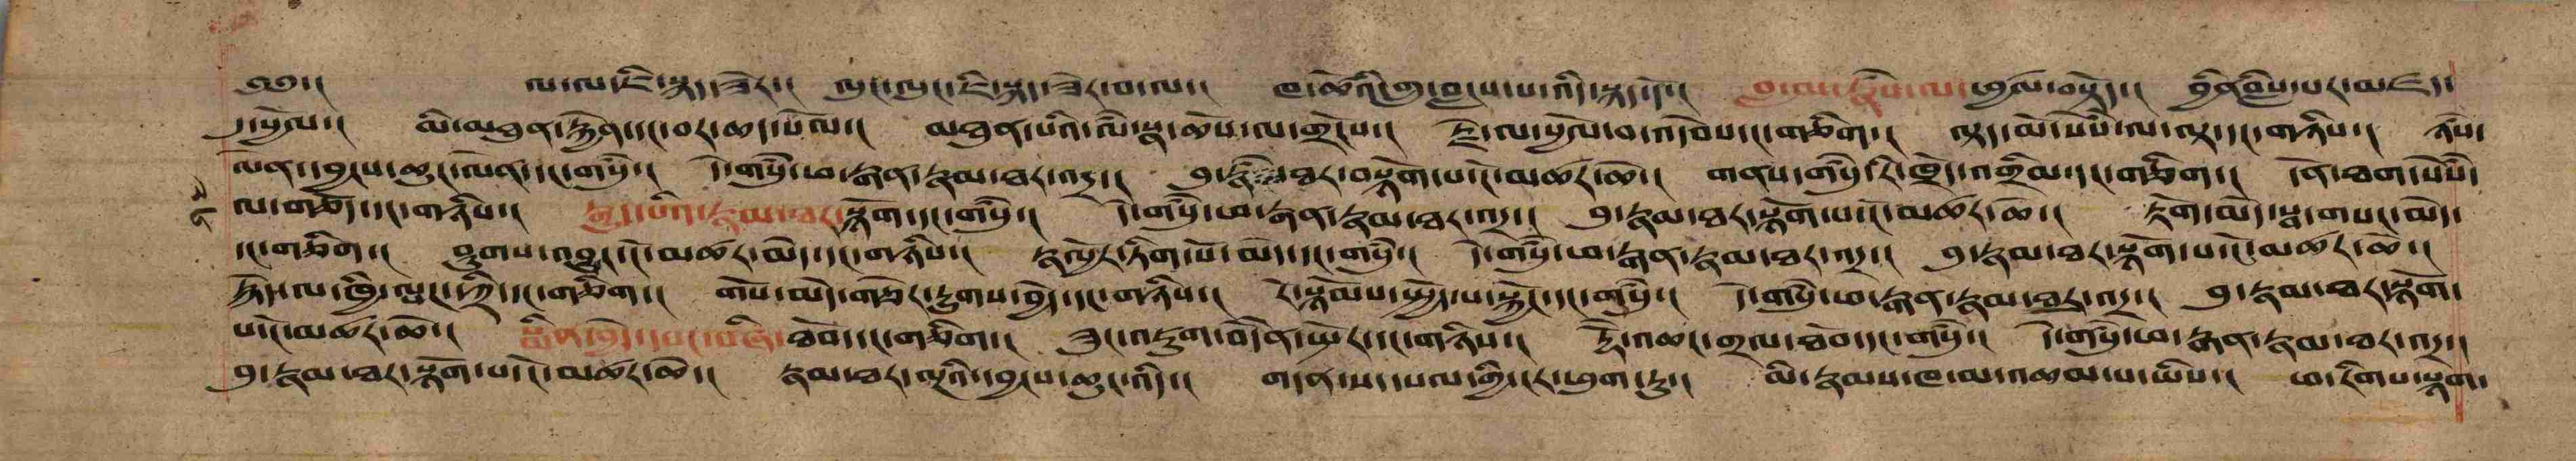༄༅།། ལ་ལ་ཇི་སྐད་ཟེར།། ལུང་ལུང་ཇི་སྐད་ཟེར་བ་ལ།། ཁ་ཚེའི་གླུ་བླངས་པ་འདི་སྐད་དོ།། བླ་མ་རྣམས་ལ་ཕྱག་འཚལ་བསྟོད།། བྱིན་གྱིས་བརླབ་པར་མཛད་
དུ་གསོལ།། མི་མཐུན་རྐྱེན་དང་བར་ཆོད་སོལ།། མཐུན་པའི་ལམ་སྣ་ཆོས་ལ་དྲོངས།། རྗེ་ལ་གསོལ་བ་འདེབས་དང་གཅིག། ལྟད་མོ་སེམས་ལ་བལྟ་དང་གཉིས།། ཉམས་
ལེན་དབྱངས་ཆུང་ལེན་དང་གསུམ།། དེ་གསུམ་ཕ་རྒན་རྣམ་ཐར་འདྲ།། བུ་རྣམ་ཐར་བསྙེགས་པ་ངོ་མཚར་ཆེ།། གནས་གསུམ་རི་ཁྲོད་འགྲིམ་དང་གཅིག། དོན་ཐག་སེམས་
ལ་གཅོད་དང་གཉིས།། རྒྱུད་པའི་རྣམ་ཐར་སྙོག་དང་གསུམ།། དེ་གསུམ་ཕ་རྒན་རྣམ་ཐར་འདྲ།། བུ་རྣམ་ཐར་སྙོག་པ་ངོ་མཚར་ཆེ།། རྟོག་མེད་སྦ་གསང་མེད་
དང་གཅིག། ཤུགས་འབྱུང་ངོ་མཚར་མེད་དང་གཉིས།། རྣལ་འབྱོར་ཏིག་པོ་མེད་དང་གསུམ།། དེ་གསུམ་ཕ་རྒན་རྣམ་ཐར་འདྲ།། བུ་རྣམ་ཐར་སྙོག་པ་ངོ་མཚར་ཆེ།།
 སྟོད་ལ་ཁྱི་ལྤགས་དཀྲི་དང་གཅིག།། གོས་མེད་གཅེར་རྒྱུག་བྱེད་དང་གཉིས།། རོ་སྙོམས་སྤྱོད་པ་སྐྱོང་དང་གསུམ།། དེ་གསུམ་ཕ་རྒན་རྣམ་ཐར་འདྲ།། བུ་རྣམ་ཐར་སྙོག་
པ་ངོ་མཚར་ཆེ།། སྨིན་བྱེད་དབང་བཞི་ཐོབ་དང་གཅིག། ཟུང་འཇུག་བདེ་ཆེན་སྤོར་དང་གཉིས།། རྡོ་རྗེ་འཆང་གྲལ་ཐོབ་དང་གསུམ།། དེ་གསུམ་ཕ་རྒན་རྣམ་ཐར་འདྲ།། 
བུ་རྣམ་ཐར་སྙོག་པ་ངོ་མཚར་ཆེ།། རྣམ་ཐར་ལྔའི་དབྱངས་ཆུང་འདི།། གདན་ས་དཔལ་གྱི་ངར་ཕུག་ཏུ།། མི་རྣམས་ཁ་མ་འཆམ་པ་ཡིས།། ཕ་རིགས་སྙེག་